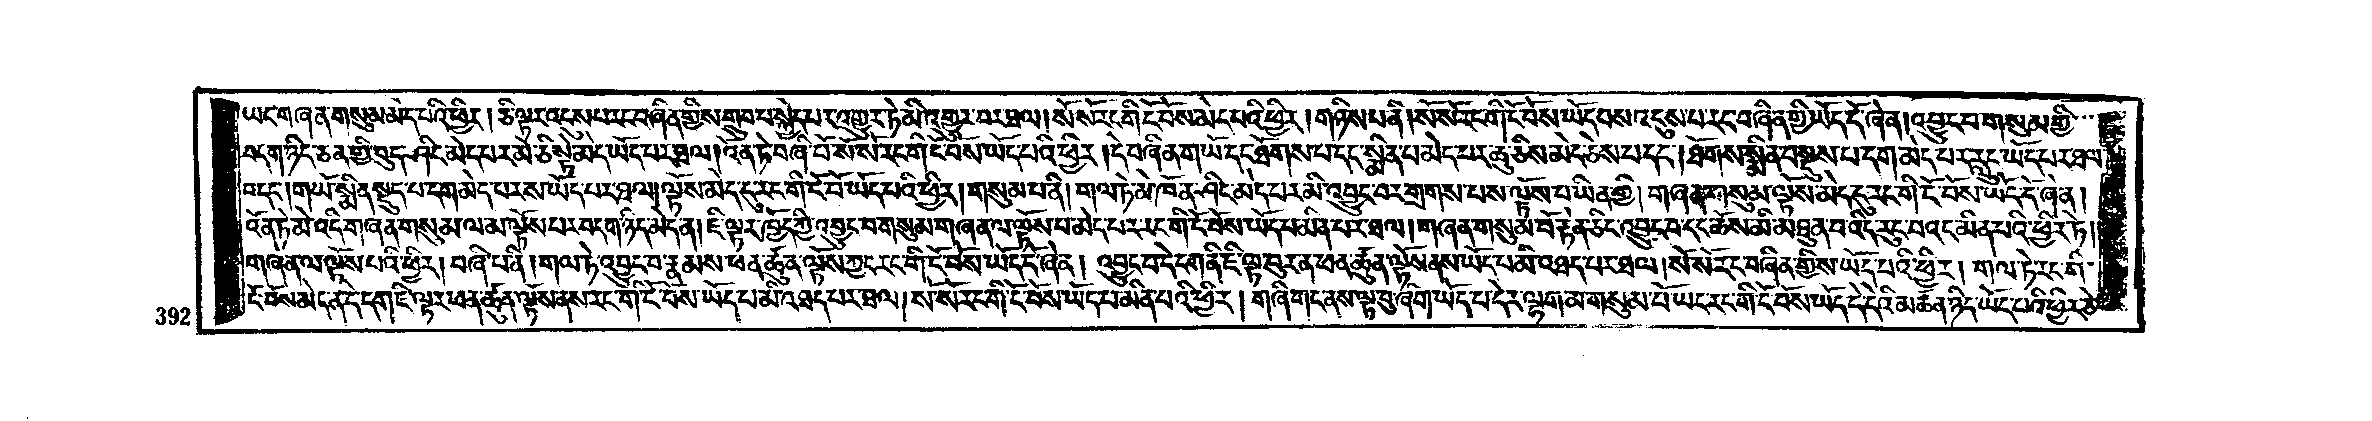ཡང་གཞན་གསུམ་མེད་པའི་ཕྱིར། ཅི་ལྟར་འདུས་པ་རང་བཞིན་གྱིས་གྲུབ་པ་སྐྱེད་པར་འགྱུར་ཏེ་མི་འགྱུར་བར་ཐལ་སོ་སོ་རང་གི་ངོ་བོས་མེད་པའི་ཕྱིར། གཉིས་པ་ནི། སོ་སོ་རང་གི་ངོ་བོས་ཡོད་པས་འདུས་པ་རང་བཞིན་གྱི་ཡོད་དོ་ཞེ་ན། འབྱུང་བ་གསུམ་གྱི་
བདག་ཉིད་ཅན་གྱི་བུད་ཤིང་མེད་པར་མེ་ཅི་སྟེ་མེད་ཡོད་པར་ཐལ། འོན་ཏེ་བཞི་པོ་སོ་སོ་རང་གི་ངོ་བོས་ཡོད་པའི་ཕྱིར། དེ་བཞིན་གཡོ་དང་ཐོགས་པ་དང་སྨིན་པ་མེད་པར་ཆུ་ཅིས་མེད་ཅེས་པ་དང་། ཐོགས་སྨིན་བསྡུས་པ་དག་མེད་པར་རླུང་ཡོད་པར་ཐལ་
བ་དང་། གཡོ་སྨིན་སྡུད་པ་དག་མེད་པར་ས་ཡོད་པར་ཐལ། ལྟོས་མེད་དུ་རང་གི་ངོ་བོ་ཡོད་པའི་ཕྱིར། གསུམ་པ་ནི། གལ་ཏེ་མེ་ཁོ་ན་ཤིང་མེད་པར་མི་འབྱུང་བར་གྲགས་པས་ལྟོས་པ་ཡིན་གྱི། གཞན་གསུམ་ལྟོས་མེད་དུ་རང་གི་ངོ་བོས་ཡོད་དོ་ཞེ་ན།
འོན་ཏེ་མེ་འདི་གཞན་གསུམ་ལ་མ་ལྟོས་པར་བདག་ཉིད་མེད་ན། ཇི་ལྟར་ཁྱོད་ཀྱི་འབྱུང་བ་གསུམ་གཞན་ལ་ལྟོས་པ་མེད་པར་རང་གི་ངོ་བོས་ཡོད་པ་མིན་པར་ཐལ། གཞན་གསུམ་པོ་རྟེན་ཅིང་འབྱུང་བ་དང་ཆོས་མི་མཐུན་པ་འདི་རུང་བའང་མིན་པའི་ཕྱིར་ཏེ།
གཞན་ལ་ལྟོས་པའི་ཕྱིར། བཞི་པ་ནི། གལ་ཏེ་འབྱུང་བ་རྣམས་ཕན་ཚུན་ལྟོས་ཀྱང་རང་གི་ངོ་བོས་ཡོད་དོ་ཞེ་ན། འབྱུང་བ་དེ་དག་ནི་ཇི་ལྟ་བུར་ན་ཕན་ཚུན་ལྟོས་ནས་ཡོད་པ་མི་འཐད་པར་ཐལ། སོ་སོ་རང་བཞིན་གྱིས་ཡོད་པའི་ཕྱིར། གལ་ཏེ་རང་གི་
ངོ་བོས་མེད་ན་དེ་དག་ཇི་ལྟར་ཕན་ཚུན་ལྟོས་ནས་རང་གི་ངོ་བོས་ཡོད་པ་མི་འཐད་པར་ཐལ། སོ་སོ་རང་གི་ངོ་བོས་ཡོད་པ་མིན་པའི་ཕྱིར། གཞི་གང་ནས་ལྟ་བུ་ཞིག་ཡོད་པ་དེར་ལྷག་མ་གསུམ་པོ་ཡང་རང་གི་ངོ་བོས་ཡོད་དེ་དེའི་མཚན་ཉིད་ཡོད་པའི་ཕྱིར་ཅེ་